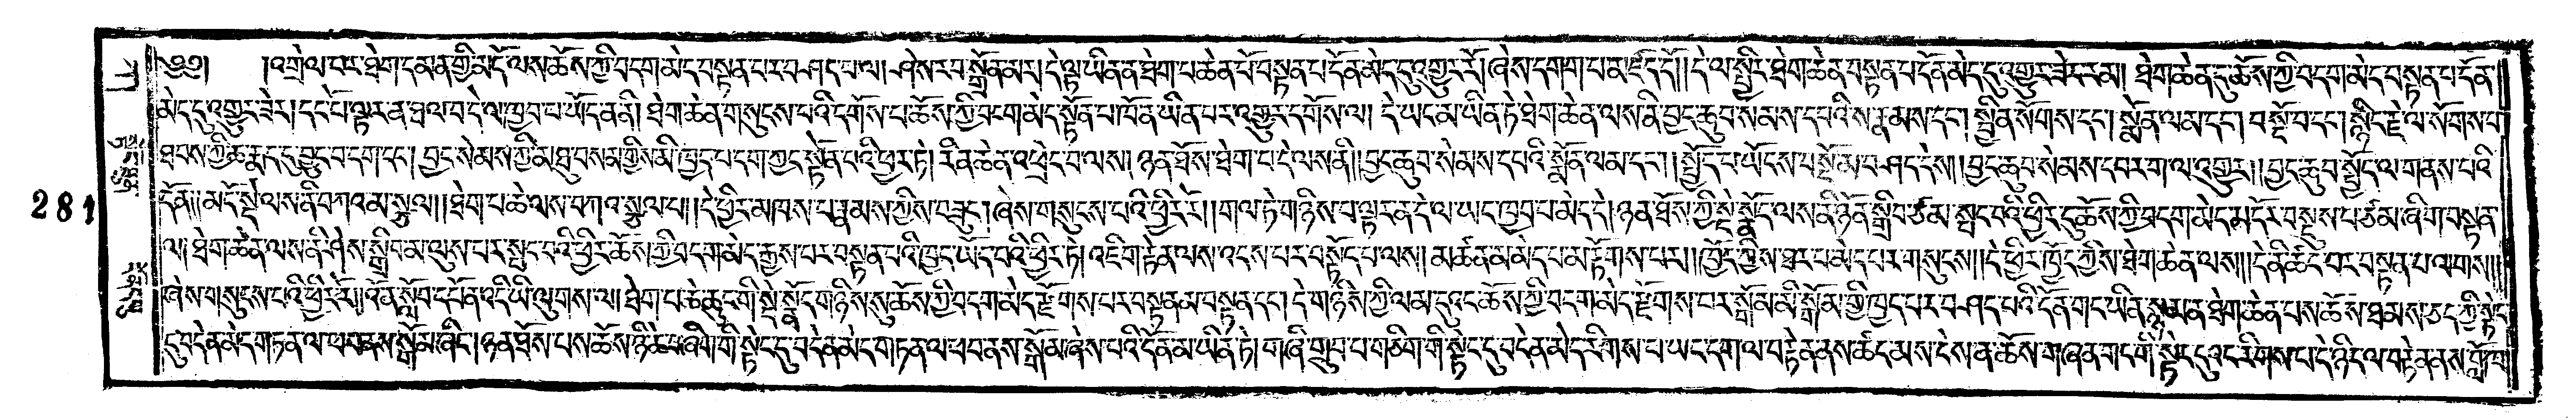༄༅། །འགྲེལ་བར་ཐེག་དམན་གྱི་མདོ་ལས་ཆོས་ཀྱི་བདག་མེད་བསྟན་པར་བཤད་པ་ལ། ཤེས་རབ་སྒྲོན་མར། དེ་ལྟ་ཡིན་ན་ཐེག་པ་ཆེན་པོ་བསྟན་པ་དོན་མེད་དུ་འགྱུར་རོ། ཞེས་དགག་པ་མཛད་དོ། །དེ་ལ་སྤྱིར་ཐེག་ཆེན་བསྟན་པ་དོན་མེད་དུ་འགྱུར་ཟེར་རམ། ཐེག་ཆེན་དུ་ཆོས་ཀྱི་བདག་མེད་བསྟན་པ་དོན་
མེད་དུ་འགྱུར་ཟེར། དང་པོ་ལྟར་ན་ཐལ་བ་དེ་ལ་ཁྱབ་པ་ཡོད་ན་ནི། ཐེག་ཆེན་གསུངས་པའི་དགོས་པ་ཆོས་ཀྱི་བདག་མེད་སྟོན་པ་ཁོ་ན་ཡིན་པར་འགྱུར་དགོས་ལ། དེ་ཡང་མ་ཡིན་ཏེ་ཐེག་ཆེན་ལས་ནི་བྱང་ཆུབ་སེམས་དཔའི་ས་རྣམས་དང་། སྦྱིན་སོགས་དང་། སྨོན་ལམ་དང་། བསྔོ་བ་དང་། སྙིང་རྗེ་ལ་སོགས་པ་
ཐབས་ཀྱི་ཆ་རྨད་དུ་བྱུང་བ་དག་དང་། བྱང་སེམས་ཀྱི་མཐུ་བསམ་གྱིས་མི་ཁྱད་པ་དག་ཀྱང་སྟོན་པའི་ཕྱར་ཏེ། རིན་ཆེན་འཕྲེང་བ་ལས། ཉན་ཐོས་ཐེག་པ་དེ་ལས་ནི། །བྱང་ཆུབ་སེམས་དཔའི་སྨོན་ལམ་དང་། །སྤྱོད་པ་ཡོངས་བསྔོ་མ་བཤད་དེས། །བྱང་ཆུབ་སེམས་དབར་ག་ལ་འགྱུར། །བྱང་ཆུབ་སྤྱོད་ལ་གནས་པའི་
དོན༑ ༑མདོ་སྡེ་ལས་ནི་བཀའ་མ་སྩལ། །ཐེག་པ་ཆེན་ལས་བཀའ་སྩལ་པ། །དེ་ཕྱིར་མཁས་པ་རྣམས་ཀྱིས་བཟུང་། ཞེས་གསུངས་པའི་ཕྱིར་རོ། །གལ་ཏེ་གཉིས་པ་ལྟར་ན་དེ་ལ་ཡང་ཁྱབ་པ་མེད་དེ། ཉན་ཐོས་ཀྱི་སྡེ་སྣོད་ལས་ནི་ཉོན་སྒྲིབ་ཙམ་སྤང་བའི་ཕྱིར་དུ་ཆོས་ཀྱི་བདག་མེད་པ་དོར་བསྡུས་པ་ཙམ་ཞིག་བསྟན་
ལ། ཐེག་ཆེན་ལས་ནི་ཤེས་སྒྲིབ་མ་ལུས་པར་སྤང་བའི་ཕྱིར་ཆོས་ཀྱི་བདག་མེད་རྒྱས་པར་བསྟན་པའི་ཁྱད་ཡོད་པའི་ཕྱིར་ཏེ། འཇིག་རྟེན་ལས་འདས་པར་བསྟོད་པ་ལས། མཚན་མ་མེད་པ་མ་རྟོགས་པར། །ཁྱོད་ཀྱིས་ཐར་པ་མེད་པར་གསུངས། །དེ་ཕྱིར་ཁྱོད་ཀྱིས་ཐེག་ཆེན་ལས། །དེ་ནི་ཚང་བར་བསྟན་པ་ལགས།།
ཞེས་གསུངས་པའི་ཕྱིར་རོ། །འོ་ན་སློབ་དཔོན་འདི་ཡི་ལུགས་ལ། ཐེག་པ་ཆེ་ཆུང་གི་སྡེ་སྣོད་གཉིས་སུ་ཆོས་ཀྱི་བདག་མེད་རྫོགས་པར་བསྟན་མ་བསྟན་དང་། དེ་གཉིས་ཀྱི་ལམ་དུའང་ཆོས་ཀྱི་བདག་མེད་རྫོགས་པར་སྒོམ་གྱི་ཁྱད་པར་བཤད་པའི་དོན་གང་ཡིན་སྙམ་ན་ཐེག་ཆེན་པས་ཆོས་ཐམས་ཅད་ཀྱི་སྟེང་
དུ་བདེན་མེད་གཏན་ལ་ཕབ་ནས་སྒོམ་ཞིང་། ཉན་ཐོས་པས་ཆོས་ཉི་ཆེ་བ་ཞིག་གི་སྟེང་དུ་བདེན་མེད་གཏན་ལ་ཕབ་ནས་སྒོམ་ཞེས་པའི་དོན་མ་ཡིན་ཏེ། གཞི་གྲུབ་པ་གཅིག་གི་སྟེང་དུ་བདེན་མེད་རིགས་པ་ཡང་དག་ལ་བརྟེན་ནས་ཚད་མས་ངེས་ན་ཆོས་གཞན་གང་གི་སྟེང་དུའང་རིགས་པ་དེ་ཉིད་ལ་བརྟེན་ནས་བློ་ཁ་